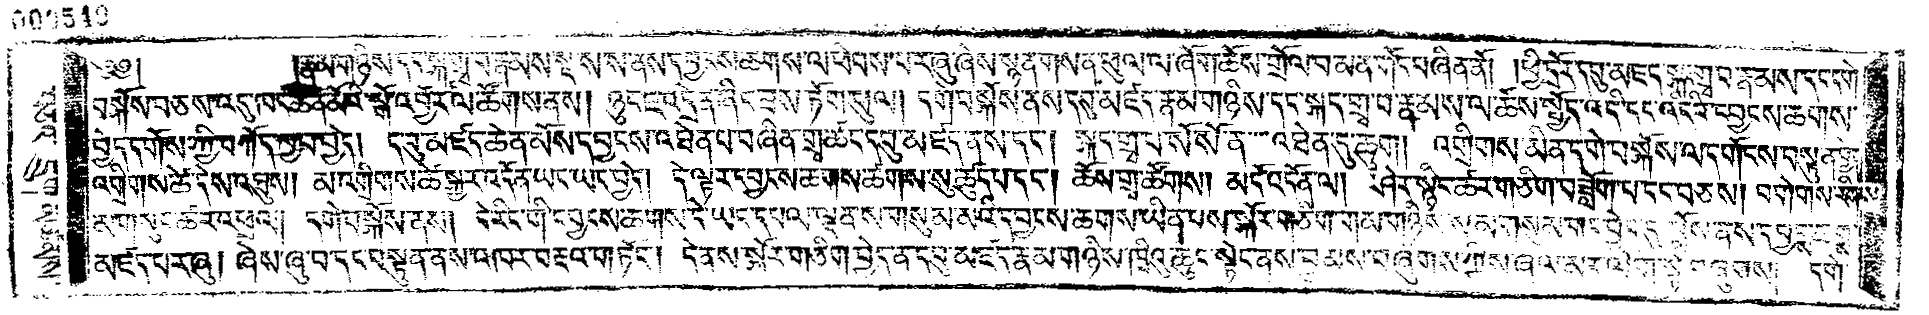༄༅། །རྣམ་གཉིས་དང་སྐད་གྲྭ་བ་རྣམས་སྔ་ས་ས་ནས་དབྱངས་ཆགས་ལ་ཕེབས་པར་ཞུ་ཞེས་སྙན་གསན་ཕུལ་ལ་ཞོག་ཆོས་གྲོལ་བ་མན་གོང་བཞིན་ནོ། །ཕྱི་དྲོར་དབུ་མཛད་སྐད་གྲྭ་བ་རྣམས་དང་དགེ་
བསྐོས་བཅས་འདུ་ཁང་ཆེན་མོའི་སྒོ་འབྱོར་ལ་ཚོགས་ནས། ཉུང་ཇ་འདྲེན་ཞིང་ཟས་ཏོག་ཕུལ། དགེ་བསྐོས་ནས་དབུ་མཛད་རྣམ་གཉིས་དང་སྐད་གྲྭ་བ་རྣམས་ལ་ཆོས་སྤྱོད་འདི་དང་འདིའི་དབྱངས་ཆགས་
བྱེད་དགོས་ཀྱི་བཀོད་ཁྱབ་བྱེད། དབུ་མཛད་ཆེན་མོས་དབྱངས་འཐེན་པ་བཞིན་གྲྭ་ཚང་དབུ་མཛད་ནས་དང་། སྐད་གྲྭ་བ་སོ་སོ་ན་འཐེན་དུ་ཆུག །འགྲིགས་མིན་དགེ་བསྐོས་ལ་དགོངས་བསྟུན་བྱེད་
འགྲིགས་ཚེ་དེས་འཐུས། མ་འགྲིགས་ཚེ་སྐྱར་འདོན་ཡང་ཡང་བྱེད། དེ་ལྟར་དབྱངས་ཆགས་ཚགས་སུ་ཚུད་པ་དང་། ཆོས་གྲྭ་ཚོགས། མདོ་འདོན་ལ། ཤེར་སྙིང་ཚར་གཅིག་བཟློག་པ་དང་བཅས། བགེགས་རིགས་
མ་གསུང་ཚར་འཕྲལ། དགེ་བསྐོས་ནས། དེ་རིང་གི་དབྱངས་ཆགས་དེ་ཡང་དཔལ་ལྡན་ས་གསུམ་མའི་དབྱངས་ཆགས་ཡིན་པས་སྐོར་གཅིག་གམ་གཉིས་སམ་གསུམ་གང་བྱེད་དུ་སྨོས་ནས་དབྱངས་ཆགས་
མཛད་པར་ཞུ། ཞེས་ཞུ་བ་དང་བསྟུན་ནས་འཁར་བརྡའ་གཏོང་། དེ་ནས་སྐོར་གཅིག་བྱེད་ན་དབུ་མཛད་རྣམ་གཉིས་ཁྲིའུ་ཆུང་སྟེང་ནས་བྱམས་བཞུགས་ཀྱིས་ཞལ་མར་ལོག་སྟེ་བཞུགས། དགེ་